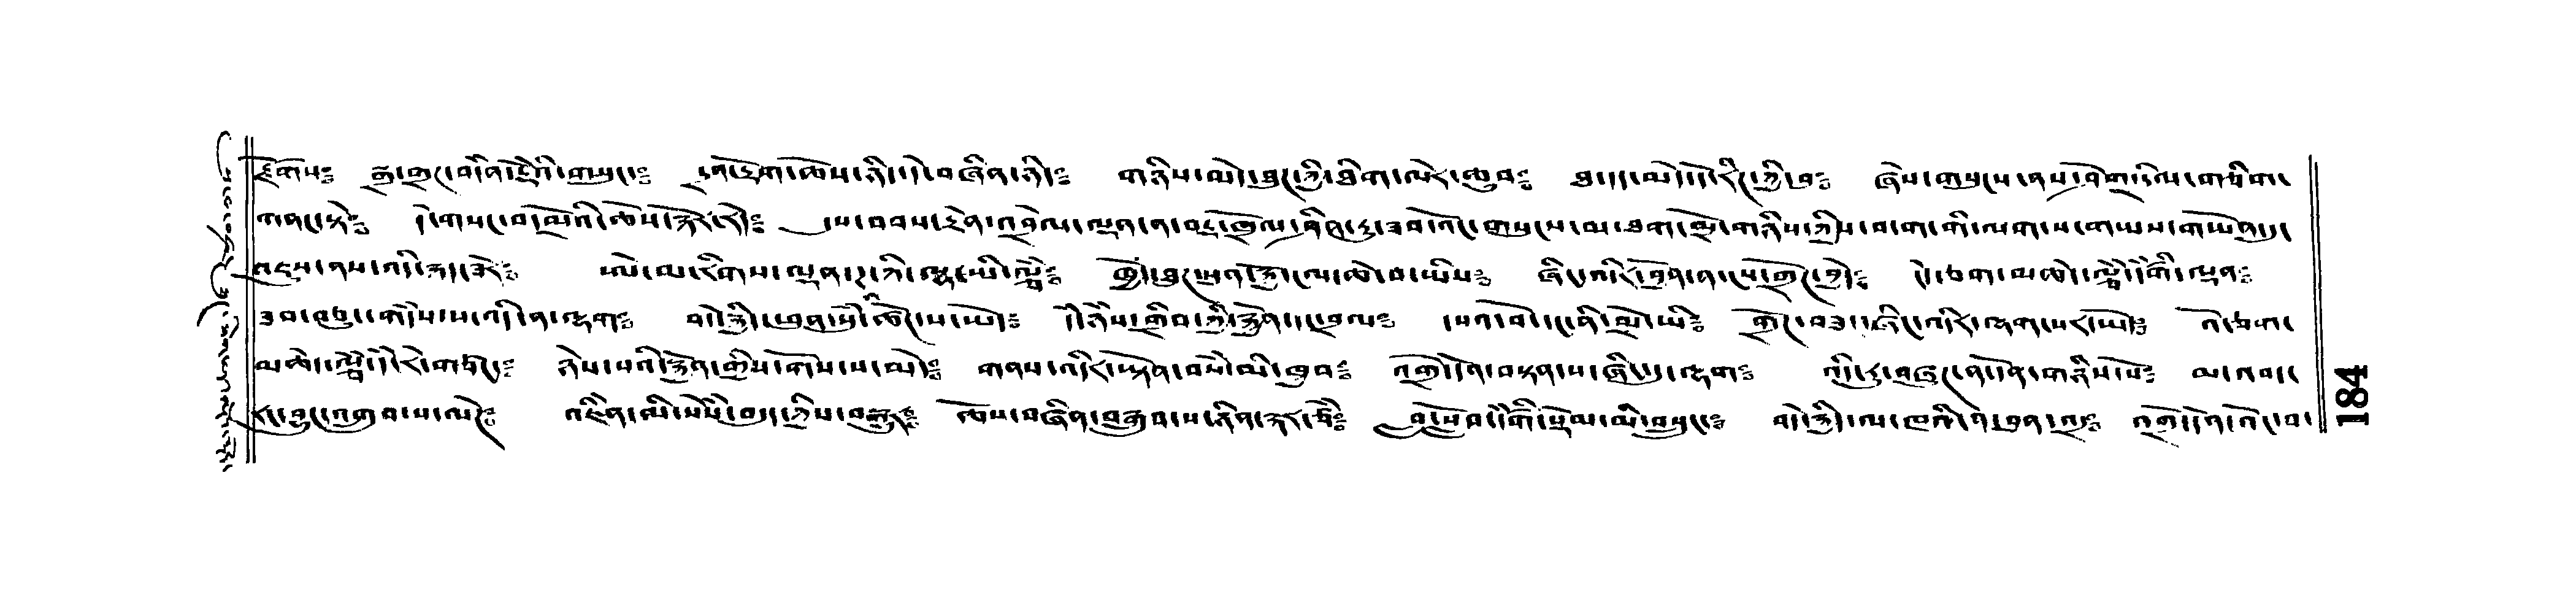རྫོགས༔ སྒྲ་གྲགས་བདེ་ཆེན་རྡོ་རྗེའི་གསུང༔ དྲན་རྟོག་ཆོས་ཉིད་དེ་བཞིན་ཉིད༔ གཉིས་མེད་ཐུགས་ཀྱི་ཐིག་ལེར་ཆུབ༔ ཐ་དད་མེད་དོ་རིགས་ཀྱི་བུ༔ ཞེས་གསུངས་ནས་ཤོག་དྲིལ་གཅིག་
གནང་སྟེ༔ དེ་གསང་བ་མཁའ་འགྲོའི་ཆོས་སྐོར་རེད༔ དུས་བབས་རྟེན་འབྲེལ་ལྡན་ན་བརྡ་ཁྲོལ་ཤིན་ཏུ་ཟབ་འོང་གསུངས་མ་ཐག་མཁའ་འགྲོ་གཉིས་ཀྱིས་བདག་གི་ལག་པ་གཡས་གཡོན་དུ་
འཇུས་ནས་འདི་སྐད་ཟེར༔ ཨེ་མ་རིགས་ལྡན་ཌཱ་ཀི་ལྷ་ཡི་ལྕམ༔ ཁྱོད་ཐུགས་སུན་སྐྱོ་ངལ་ཆེ་བ་ཡིས༔ ཞིང་འདིར་བྱོན་ན་ངས་གྲོགས་བྱེད༔ ངེད་ཅག་མཆེད་ལྕམ་དམ་ཚིག་ལྡན༔ 
ཟབ་བཅུད་གདམས་པ་འདི་ན་ལྷག༔ བདེ་སྐྱིད་ཕུན་སུམ་ཚོགས་པ་ཡོད༔ དམ་ཉམས་གྲིབ་ཀྱི་སྐྱོན་དང་བྲལ༔ དཔའ་བོ་དང་ནི་མཁའ་འགྲོ་ཡི༔ གྲོགས་བཟང་ཞིང་འདིར་ལྷག་པར་ཡོད༔ འོ་ཅག་
མཆེད་ལྕམ་དམ་རེ་གཙང༔ ཉེས་པའི་སྐྱོན་གྱིས་གོས་པ་མེད༔ གནས་འདིར་ཡོན་ཏན་བསམ་མི་ཁྱབ༔ འགྲོ་དོན་བསྟན་པ་ཞིང་དུ་ལྷག༔ འདི་རུ་བཞུགས་ན་དོན་གཉིས་པོ༔ མ་འབད་
རང་བྱུང་འགྲུབ་པ་ལེགས༔ འཇིག་རྟེན་མི་སེམས་བདུད་ཀྱིས་བསྒྱུར༔ ཆོས་བཞིན་བསྒྲུབ་པ་ཉིན་སྐར་ཙམ༔ བླ་སློབ་དམ་ཚིག་སྡོམ་མི་བསྲུང༔ བདེ་སྐྱིད་ལ་ཁའི་ན་བུན་འདྲ༔ འགྲོ་དོན་འོང་བ་